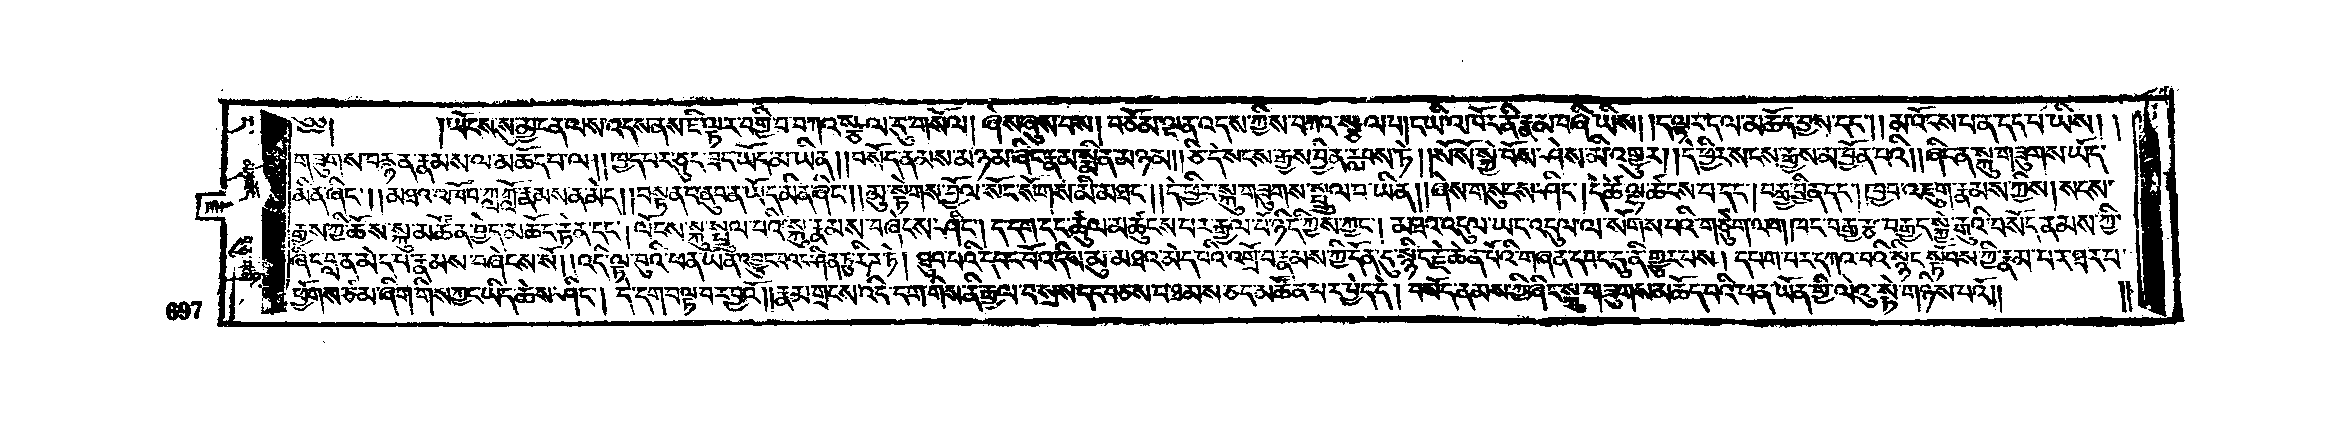༄༅། །ཡོངས་སུ་མྱ་ངན་ལས་འདས་ནས་ཇི་ལྟར་བགྱི་བ་བཀའ་སྩལ་དུ་གསོལ། ཞེས་ཞུས་པས། བཅོམ་ལྡན་འདས་ཀྱིས་བཀའ་སྩལ་པ། ང་ཡི་འཁོར་ནི་རྣམ་བཞི་ཡིས། །ད་ལྟར་དེ་ལ་མཆོད་བྱས་དང་། །མ་འོངས་པ་ན་དད་པ་ཡིས། །
གཟུགས་བརྙན་རྣམས་ལ་མཆོད་པ་ལ། །ཁྱད་པར་ཅུང་ཟད་ཡོད་མ་ཡིན། །བསོད་ནམས་མཉམ་ཞིང་རྣམ་སྨིན་མཉམ། །ཅི་དེ་སངས་རྒྱས་བྱིན་རླབས་ཏེ། །སོ་སོ་སྐྱེ་བོས་ཤེས་མི་འགྱུར། །དེ་ཕྱིར་སངས་རྒྱས་མ་བྱོན་པའི། །ཞིང་ན་སྐུ་གཟུགས་ཡོད་
མིན་ཞིང་། །མཐའ་འཁོབ་ཀླ་གློ་རྣམས་ན་མེད། །བསྟན་པ་ནུབ་ན་ཡོད་མིན་ཞིང་། །མུ་སྟེགས་བྱོལ་སོང་སོགས་མི་མཐང་། །དེ་ཕྱིར་སྐུ་གཟུགས་སྤྲུལ་པ་ཡིན། །ཞེས་གསུངས་ཤིང་། དེ་ཚེ་ལྷ་ཚངས་པ་དང་། བརྒྱ་བྱིན་དང་། ཁྱབ་འཇུག་རྣམས་ཀྱིས། སངས་
རྒྱས་ཀྱི་ཆོས་སྐུ་མཚོན་བྱེད་མཆོད་རྟེན་དང་། ལོངས་སྐུ་སྤྲུལ་པའི་སྐུ་རྣམས་བཞེངས་ཤིང་། དེ་དག་དང་ཚུལ་མཚུངས་པར་རྒྱལ་པོ་ཉིད་ཀྱིས་ཀྱང་། མཐའ་འདུལ་ཡང་འདུལ་ལ་སོགས་པའི་གཙུག་ལག་ཁང་བརྒྱ་རྩ་བརྒྱད་སྐྱེ་རྒུའི་བསོད་ནམས་ཀྱི་
ཞིང་བླ་ན་མེད་པ་རྣམས་བཞེངས་སོ། །འདི་ལྟ་བུའི་ཕན་ཡོན་འབྱུང་བའང་ཤིན་ཏུ་རིགས་ཏེ། ཐུབ་པའི་དབང་པོ་འདིས་མུ་མཐའ་མེད་པའི་འགྲོ་བ་རྣམས་ཀྱི་དོན་དུ་སྙིང་རྗེ་ཆེན་པོའི་གཞན་དབང་དུ་ནི་གྱུར་པས། དཔག་པར་དཀའ་བའི་སྙིང་སྟོབས་ཀྱི་རྣམ་པར་ཐར་པ་
ཕྱོགས་ཙམ་ཞིག་གིས་ཀྱང་ཡིད་ཆེས་ཤིང་། དེ་དག་བལྟ་བར་བྱའོ། །རྣམ་གྲངས་འདི་དག་གིས་ནི་རྒྱལ་བ་སྲས་དང་བཅས་པ་ཐམས་ཅད་མཚོན་པར་བྱེད་དེ། བསོད་ནམས་ཀྱི་ཞིང་སྐུ་གཟུགས་མཆོད་པའི་ཕན་ཡོན་གྱི་ལེའུ་སྟེ་གཉིས་པའོ།། །།